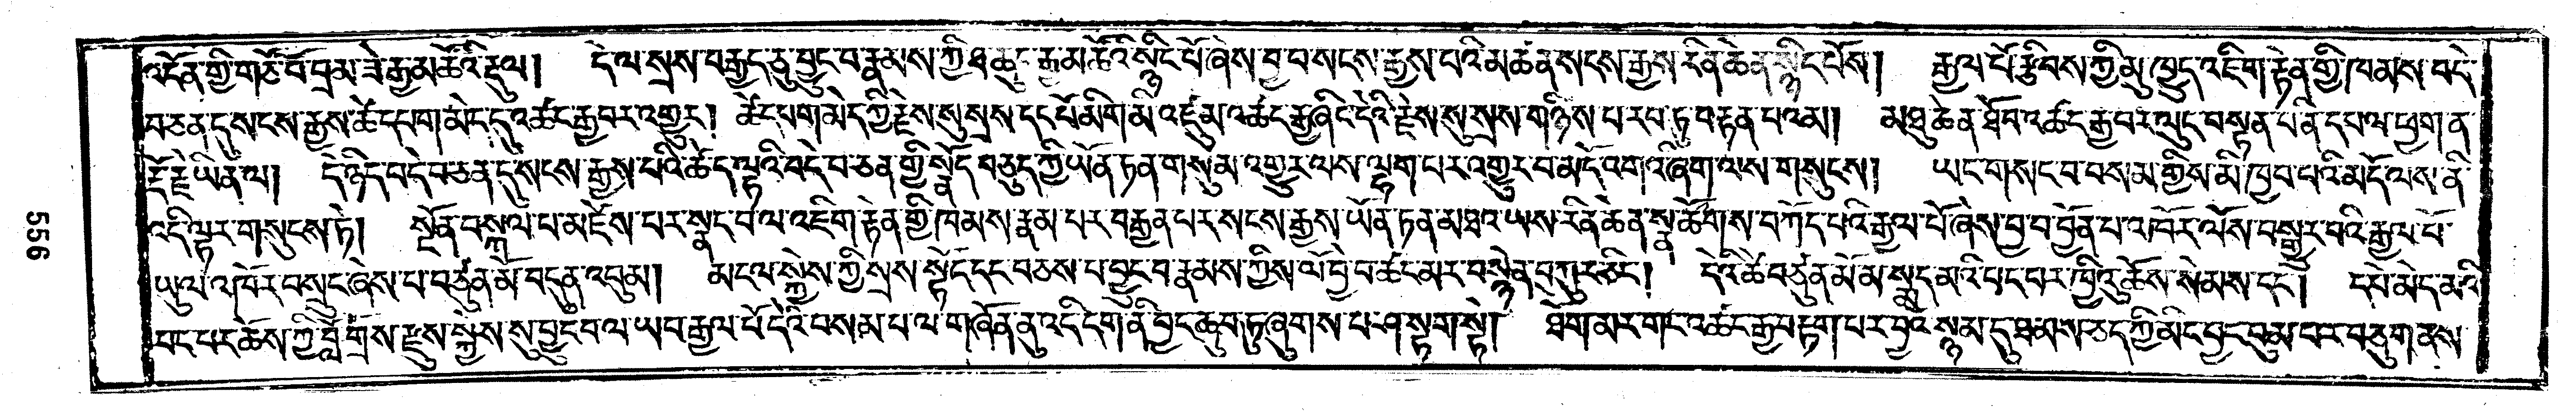འདོན་གྱི་གཙོ་བོ་བྲམ་ཟེ་རྒྱ་མཚོའི་རྡུལ། དེ་ལ་སྲས་བརྒྱད་ཅུ་བྱུང་བ་རྣམས་ཀྱི་ཐ་ཆུང་རྒྱ་མཚོའི་སྙིང་པོ་ཞེས་བྱ་བ་སངས་རྒྱས་པའི་མཚན་སངས་རྒྱས་རིན་ཆེན་སྙིང་པོས། །རྒྱལ་པོ་རྩིབས་ཀྱི་མུ་ཁྱུད་འཇིག་རྟེན་གྱི་ཁམས་བདེ་
བ་ཅན་དུ་སངས་རྒྱས་ཚེ་དཔག་མེད་དུ་འཚང་རྒྱ་བར་འགྱུར། ཚེ་དཔག་མེད་ཀྱི་རྗེས་སུ་སྲས་དང་པོ་མིག་མི་འཛུམ་འཚད་རྒྱ་ཞིང་དེའི་རྗེས་སུ་སྲས་གཉིས་པ་རབ་ཏུ་བརྟན་པའམ། མཐུ་ཆེན་ཐོབ་འཚང་རྒྱ་བར་ལུང་བསྟན་པ་ནི་དཔལ་ཕྱག་ན་
རྡོ་རྗེ་ཡིན་ལ། དེ་ཉིད་བདེ་བ་ཅན་དུ་སངས་རྒྱས་པའི་ཚེ་ད་ལྟའི་བདེ་བ་ཅན་གྱི་སྣོད་བཅུད་ཀྱི་ཡོན་ཏན་གསུམ་འགྱུར་ལས་ལྷག་པར་འགྱུར་བ་མདོ་འགའ་ཞིག་ལས་གསུངས། ཡང་གསང་བ་བསམ་གྱི་མི་ཁྱབ་པའི་མདོ་ལས་ནི་
འདི་ལྟར་གསུངས་ཏེ། སྔོན་བསྐལ་པ་མཛེས་པར་སྣང་བ་ལ་འཇིག་རྟེན་གྱི་ཁམས་རྣམ་པར་བརྒྱན་པར་སངས་རྒྱས་ཡོན་ཏན་མཐའ་ཡས་རིན་ཆེན་སྣ་ཚོགས་བཀོད་པའི་རྒྱལ་པོ་ཞེས་བྱ་བ་བྱོན་པ་འཁོར་ལོས་བསྒྱུར་བའི་རྒྱལ་པོ་
ཡུལ་འཁོར་བསྲུང་ཞེས་པ་བཙུན་མོ་བདུན་འབུམ། །མངལ་སྐྱེས་ཀྱི་སྲས་སྟོང་དང་བཅས་པ་བྱུང་བ་རྣམས་ཀྱིས་ལོ་བྱེ་བ་ཚང་མར་བསྙེན་བསྐུར་ཅིང་། དེའི་ཚེ་བཙུན་མོ་མ་སྨད་པང་པར་ཁྱིའུ་ཆོས་སེམས་དང་། དཔེ་མེད་མའི་
པང་པར་ཆོས་ཀྱི་བློ་གྲོས་རྫུས་སྐྱེས་སུ་བྱུང་བ་ལ་ཡབ་རྒྱལ་པོ་དེའི་བསམ་པ་ལ་གཞོན་ནུ་འདི་དག་ནི་བྱང་ཆུབ་ཏུ་ཞུགས་པ་ཤ་སྟག་སྟེ། ཐོག་མར་གང་འཚང་རྒྱ་བརྟག་པར་བྱའི་སྙམ་དུ་ཐམས་ཅད་ཀྱི་མིང་བྱང་བུམ་པར་བཅུག་ནས་